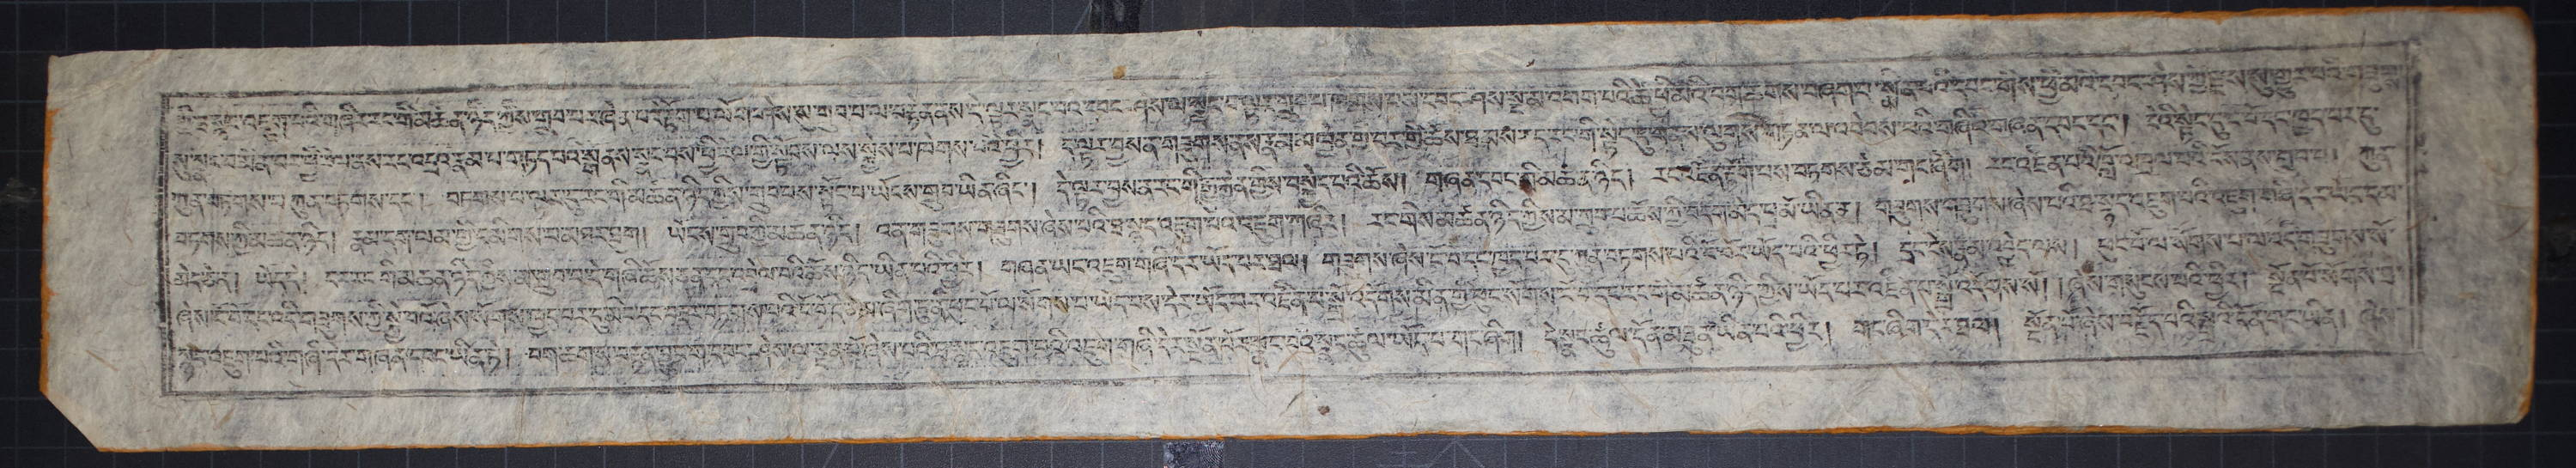གྱི་ཐ་སྙད་འཇུག་པའི་གཞིར་རང་གི་མཚན་ཉིད་ཀྱིས་གྲུབ་པར་ཞེན་པའི་རྟོག་པ་ལོག་ཤེས་སུ་གྲུབ་པ་ལ་བརྟེན་ནས་དེ་ལྟར་སྣང་བའི་དབང་ཤེས་ལ་སྣང་བ་ལྟར་གྲུབ་པ་ཁེགས་པས་དབང་ཤེས་སྔ་མ་འགག་པའི་ཚེ་ཕྱི་མའི་བག་ཆགས་བཞག་པ་སྨིན་པའི་དབང་གིས་ཕྱི་མའི་དབང་ཤེས་ཀྱི་རྫས་སུ་གྱུར་པའི་གཟུགས་
སུ་སྣང་བ་མིན་པར་ཕྱི་རོལ་ནས་རང་འདྲའི་རྣམ་པ་གཏད་པའི་སྒོ་ནས་སྣང་བས་ཕྱི་རོལ་གྱི་སྟོབས་ལས་སྐྱེས་པ་ཁེགས་པའི་ཕྱིར། དེ་ལྟར་བྱས་ན་གཟུགས་ནས་རྣམ་མཁྱེན་གྱི་བར་གྱི་ཆོས་ཐམས་ཅད་རང་གི་སྟེང་དུ་གནས་ལུགས་གཏན་ལ་འབེབས་པའི་གཞིའི་གཞན་དབང་དང་། དེའི་སྟེང་དུ་ངོ་བོ་དང་ཁྱད་པར་དུ་
ཀུན་བཏགས་པ་ཀུན་བཏགས་དང་། བཏགས་པ་ལྟར་དུ་རང་གི་མཚན་ཉིད་ཀྱིས་གྲུབ་པས་སྟོང་པ་ཡོངས་གྲུབ་ཡིན་ཞིང་། དེ་ལྟར་བྱས་ན་རང་གི་རྒྱུ་རྐྱེན་གྱིས་བསྐྱེད་པའི་ཆོས། གཞན་དབང་གི་མཚན་ཉིད། རང་འཛིན་རྟོག་པས་བཏགས་ཙམ་གང་ཞིག །རང་འཛིན་པའི་བློ་འཁྲུལ་པའི་ངོས་ནས་གྲུབ་པ། ཀུན་
བཏགས་ཀྱི་མཚན་ཉིད། རྣམ་དག་ལམ་གྱི་དམིགས་པ་མཐར་ཐུག །ཡོངས་གྲུབ་ཀྱི་མཚན་ཉིད། འོ་ན་གཟུགས་གཟུགས་ཞེས་པའི་ཐ་སྙད་འཇུག་པའི་འཇུག་གཞིར། རང་གིས་མཚན་ཉིད་ཀྱིས་མ་གྲུབ་པ་ཆོས་ཀྱི་བདག་མེད་ཕྲ་མོ་ཡིན་ན། གཟུགས་གཟུགས་ཞེས་པའི་ཐ་སྙད་འཇུག་པའི་འཇུག་གཞི་དེར་ཡོད་དམ་
མེད་ཅེ་ན། ཡོད་དེ། དེར་རང་གི་མཚན་ཉིད་ཀྱིས་མ་གྲུབ་པ་དེ་གཞི་ཆོས་ཅན་དང་འབྲེལ་བའི་ཆོས་ཉིད་ཡིན་པའི་ཕྱིར། གཞན་ཡང་འཇུག་གཞི་དེར་ཡོད་པར་ཐལ། གཟུགས་ཞེས་ངོ་བོ་དང་ཁྱད་པར་དུ་ཀུན་བཏགས་པའི་ངོ་བོར་ཡོད་པའི་ཕྱིར་ཏེ། དྲང་ངེས་རྣམ་འབྱེད་ལས། ཕུང་པོ་ལ་སོགས་པ་ལ་འདི་གཟུགས་སོ་
ཞེས་ངོ་བོ་དང་འདི་གཟུགས་ཀྱི་སྐྱེ་བའོ་ཞེས་སོགས་ཁྱད་པར་དུ་མིང་དང་བརྡར་བཏགས་པའི་ངོ་བོ་དེ་ཙམ་ཞིག་ཏུ་ནི་ཕུང་པོ་ལ་སོགས་པ་ཡོད་པས་དེར་ཡོད་པར་འཛིན་པ་སྒྲོ་འདོགས་མིན་གྱི་ཕུང་སོགས་ངོ་བོ་དང་རང་གི་མཚན་ཉིད་ཀྱིས་ཡོད་པར་འཛིན་པ་སྒྲོ་འདོགས་སོ། །ཞེས་གསུངས་པའི་ཕྱིར། སྔོན་པོ་སོགས་ཐ་
སྙད་འཇུག་པའི་གཞི་དེར་གཞན་དབང་ཡིན་ཏེ། བག་ཆགས་བརྟན་བྱུང་གི་དབང་ཤེས་ལ་སྔོན་པོ་ཞེས་པའི་ཐ་སྙད་འཇུག་པའི་འཇུག་གཞི་དེར་སྔོན་པོར་སྣང་བའི་སྣང་ཚུལ་ཡོད་པ་གང་ཞིག །དེ་སྣང་ཚུལ་དོན་མཐུན་ཡིན་པའི་ཕྱིར། གང་ཞིག་དེར་ཐལ། སྔོན་པོ་ཞེས་བརྗོད་པའི་སྒྲའི་དོན་གང་ཡིན། ཞེས་